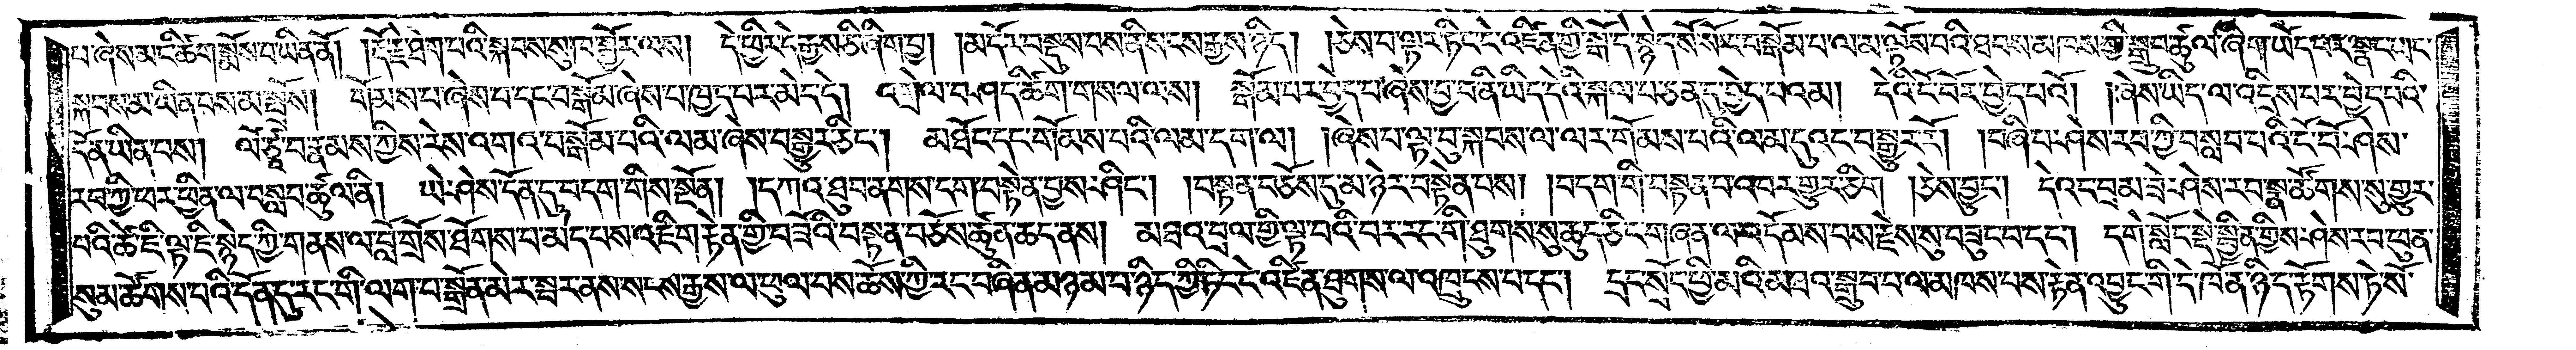པ་ཞེས་མང་ཚིག་སྨོས་པ་ཡིན་ནོ། །རྡོ་རྗེ་ཐེག་པའི་སྐབས་སུ་ཁ་སྦྱོར་ལས། དེ་ཕྱིར་དེ་རྒྱས་ཅི་ཞིག་བྱ། །མདོར་བསྡུས་བས་ནི་སངས་རྒྱས་ཉིད། །ཅེས་པ་ལྟར་ཏིང་ངེ་འཛིན་གྱི་སྒོ་དེ་སྙེད་སོ་སོར་བསྒོམ་པ་ལམ་ལྟོས་པའི་ཐབས་མཁས་ཀྱི་སྒྲུབ་ཚུལ་ཞིག་ཡོད་པར་སྣང་ཡང་
སྐབས་མ་ཡིན་པས་མ་སྤྲོས། གོམས་པ་ཞེས་པ་ངང་བསྒོམ་ཞེས་པ་ཁྱད་པར་མེད་དེ། འགྲེལ་བཤད་ཚིག་གསལ་ལས། སྒོམ་པར་བྱེད་པ་ཞེས་བྱ་བ་ནི་ཡིད་དེའི་སྐལ་པ་ཅན་དུ་བྱེད་པའམ། དེའི་ངོ་བོར་བྱེད་པའོ། །ཞེས་ཡིད་ལ་འདྲིས་པར་བྱེད་པའི་
དོན་ཡིན་བས། ལོ་ཙྭ་པ་རྣམས་ཀྱིས་རེས་འགའ་བསྒོམས་བལ་ལམ་ཞེས་བསྒྱུར་ཅིང་། མཐོང་དང་གོམས་བའི་ལམ་དག་ལ། །ཞེས་པ་ལྟེ་བུ་སྐབས་ལེ་ལོར་གོམས་པའི་ལམ་དུའང་བསྒྱུར་རོ། །བཞི་པ་ཤེས་རབ་ཀྱི་བསླབ་པའི་ངོ་བོ་ཤེས་
རབ་ཀྱི་ཕར་ཕྱིན་ལ་བསླབ་ཚུལ་ནི། ཡེ་ཤེས་དོན་དུ་བདག་གིས་སྔོན། །དཀའ་ཐུབ་ནགས་དག་བསྟེན་བྱས་ཤིང་། །བསྟན་བཅོས་དུ་མ་ཉེར་བསྟེན་པས། །བདག་གི་བསྟན་པ་འབར་གྱུར་ཅིག །ཅེས་བྱུང་། དེའང་བྲམ་ཟོ་ཤེས་རབ་སྣ་ཚོགས་སུ་གྱུར་
པའི་ཚེ་ཇི་ལྟ་ཇི་སྙེད་ཀྱི་གནས་ལ་བློ་གྲོས་ཐོགས་པ་མེད་པས་འཇིག་རྟེན་གྱི་བཟོའི་བསྟན་བཅོས་ཚུན་ཆོད་ནས། མཐའ་བྲལ་གྱི་ལྟ་བའི་བར་རང་གི་ཐུགས་སུ་ཆུད་ཅིང་གཞན་ལ་འདོམས་པས་རྗེས་སུ་བཟུང་བ་དང་། དགེ་སློབ་སྡེ་སྦྱིན་གྱིས་ཤེས་རབ་ཕུན་
སུམ་ཚོགས་པའི་དོན་དུ་རང་གི་ལག་བ་སྒྲོན་མེར་སྦར་ནས་སངས་རྒྱས་ལ་ཕུལ་བས་ཆོས་ཀྱི་རང་བཞིན་མཉམ་པ་ཉིད་ཀྱི་ཏིང་ངེ་འཛིན་ཐུགས་ལ་འཁྲུངས་པ་དང་། དྲང་སྲོང་ཕྱི་མའི་མཐའ་སྒྲུབ་པ་ལ་མཁས་པས་རྟེན་འབྱུང་གི་དེ་ཁོ་ན་ཉིད་རྟོགས་ཏེ་སོ་